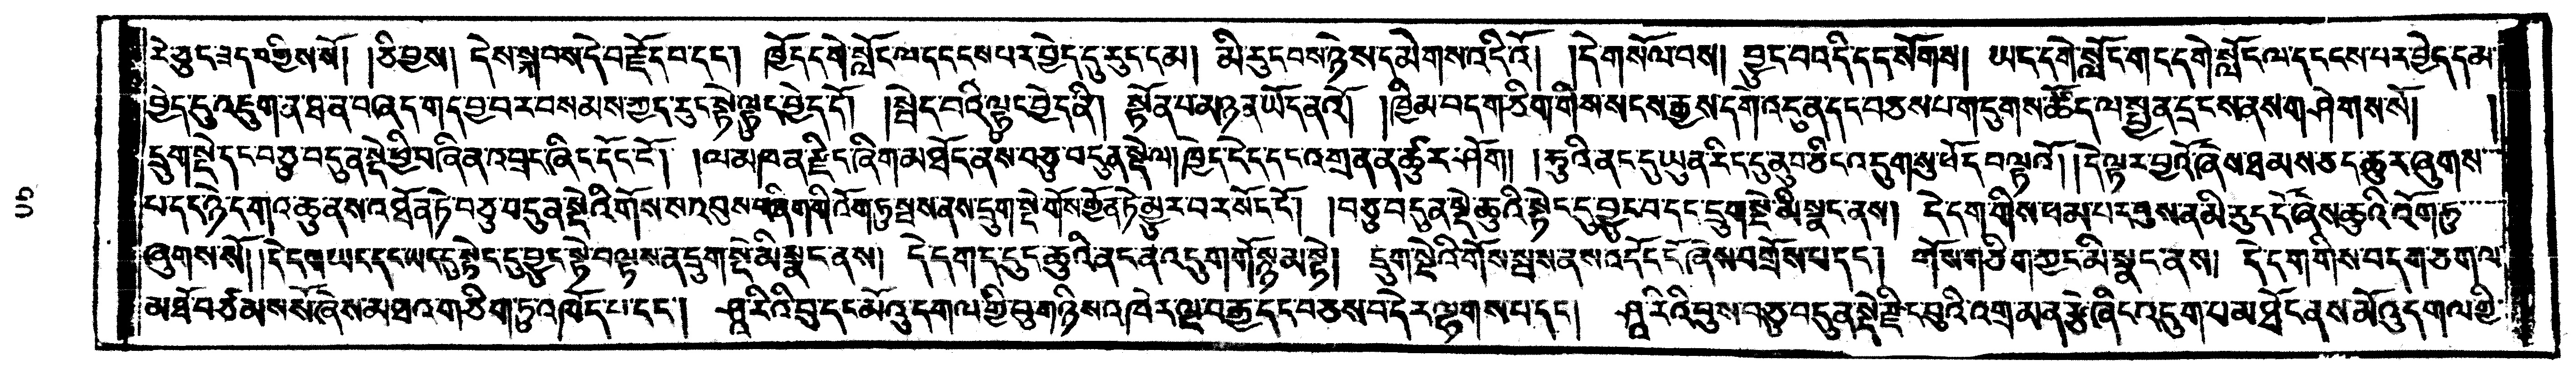རེ་ཅུང་ཟད་བགྱིས་སོ། །ཅི་བྱས། དེས་སྐབས་དེ་བརྗོད་པ་དང་། ཁྱོད་དགེ་སློང་ལ་དངངས་པར་བྱེད་དུ་རུང་ངམ། མི་རུང་བས་ཉེས་དམིགས་འདིའོ། །དེ་གསོལ་བས། བྱུང་བ་འདི་དང་སོགས། ཡང་དགེ་སློང་གང་དགེ་སློང་ལ་དངངས་པར་བྱེད་དམ་
བྱེད་དུ་འཇུག་ན་ཐ་ན་བཞད་གད་བྱ་བར་བསམས་ཀྱང་རུང་སྟེ་ལྟུང་བྱེད་དོ། །སྦེད་བའི་ལྟུང་བྱེད་ནི། སྟོན་པ་མཉན་ཡོད་ནའོ། །ཁྱིམ་བདག་གཅིག་གིས་སངས་རྒྱས་དགེ་འདུན་དང་བཅས་པ་གདུགས་ཚོད་ལ་སྤྱན་དྲངས་ནས་གཤེགས་སོ། །
དྲུག་སྡེ་དང་བཅུ་བདུན་སྡེ་ཕྱི་བཞིན་འབྲང་ཞིང་དོང་ངོ། །ལ་མཁན་རྫིང་ཞིག་མཐོང་ནས་བཅུ་བདུན་སྡེ་ལ། ཁྱེད་ངེད་དང་འགྲན་ན་ཚུར་ཤོག། །ཧུའི་ནང་དུ་ཡུན་རིང་དུ་ནུབ་ཅིང་འདུག་སུ་ཡོད?་བལྟའོ། །དེ་ལྟར་བྱའོ་ཞེས་ཐམས་ཅད་ཆུར་ཞུགས་
པ་དང་ཉེ་དགའ་ཆུ་ནས་འཐོན་ཏེ་བཅུ་བདུན་སྡེའི་གོས་ས་འབུས་བ་ཞིག་གི་འོག་ཏུ་སྦས་ནས་དྲུག་སྡེ་གོས་གྱོན་ཏེ་མྱུར་བར་སོང་ངོ། །བཅུ་བདུན་སྡེ་ཆུའི་སྟེང་དུ་བྱུང་བ་དང་དྲུག་སྡེ་མི་སྣང་ནས། དེ་དག་གིས་ཕམ་པར་བུས་ན་མི་རུད་དོ་ཞེས་ཆུའི་འོག་ཏུ་
ཞུགས་སོ། །དེ་དག་ཡང་དང་ཡང་དུ་སྟེང་དུ་བྱུང་སྟེ་བལྟས་ན་དྲུག་སྡེ་མི་སྣང་ནས། དེ་དག་ད་དུང་ཆུའི་ནང་ན་འདུག་གོ་སྙམ་སྟེ། དྲུག་སྡེའི་གོས་སྦས་ནས་འདོད་དོ་ཞེས་བགྲོས་པ་དང་། གོས་གཅིག་ཀྱང་མི་སྣང་ནས། དེ་དག་གིས་བདག་ཅག་ལ་
མཐོ་བ་ཙམས་སོ་ཞེས་མཐའ་གཅིག་ཏུ་འཁོད་པ་དང་། ཤཱ་རིའི་བུ་དང་མོའུ་དགལ་གྱི་བུ་གཉིས་འཁོར་ལྔ་བརྒྱ་དང་བཅས་པ་དེར་ལྷགས་པ་དང་། ཤཱ་རིའི་བུས་བཅུ་བདུན་སྡེ་རྫིང་བུའི་འགྲམ་ན་རྩེ་ཞིང་འདུག་པ་མཐོང་ནས་མོའུ་དགལ་གྱི་